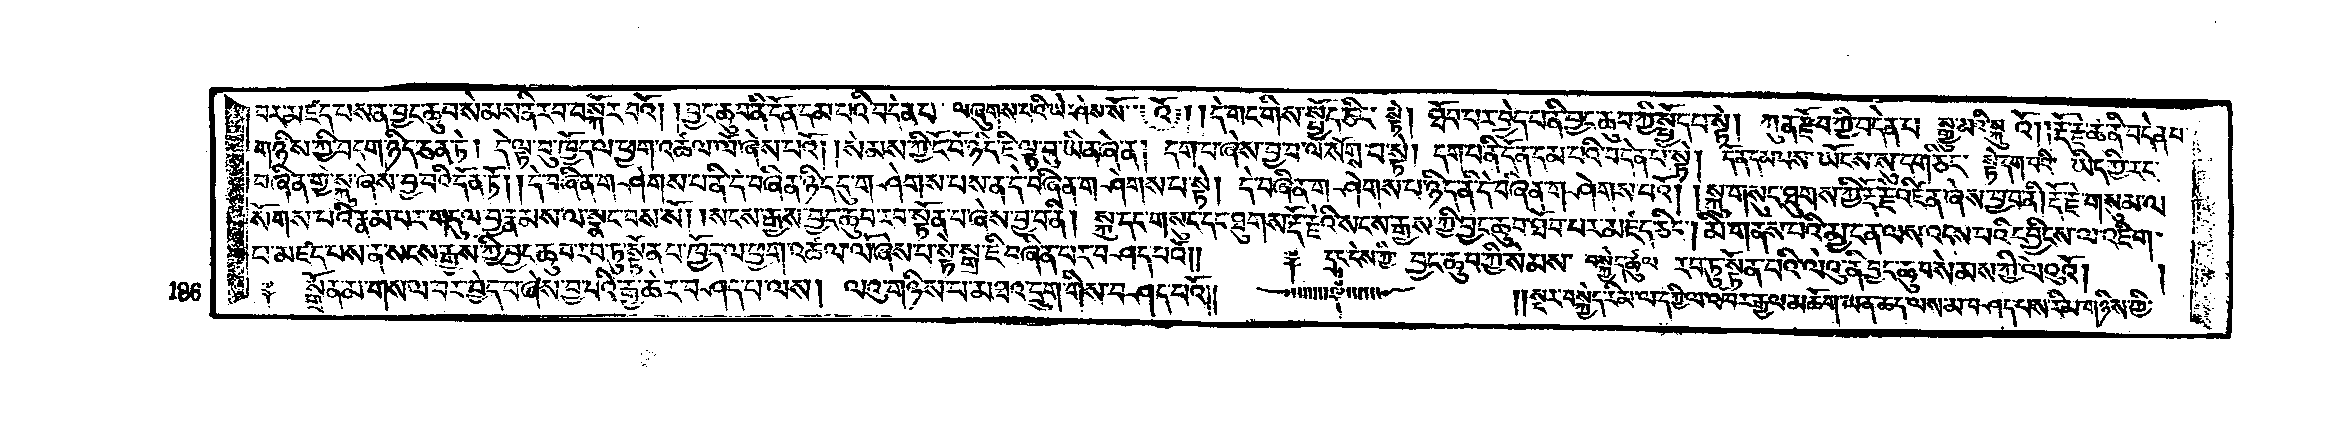བར་མཛད་པས་ན་བྱང་ཆུབ་སེམས་ནི་རབ་བསྐོར་བའོ། །བྱང་ཆུབ་ནི་དོན་དམ་པའི་བདེན་པ་ལ་ཞུགས་པའི་ཡེ་ཤེས་སོ་འོ། །དེ་གང་གིས་སྤྱོད་ཅིང་སྟེ།  ཐོབ་པར་བྱེད་པ་ནི་བྱང་ཆུབ་ཀྱི་སྤྱོད་པ་སྟེ། ཀུན་རྫོབ་ཀྱི་བདེན་པ་སྒྱུ་མའི་སྐུའོ། །རྡོ་རྗེ་ཆེ་ནི་བདེན་པ་
གཉིས་ཀྱི་བདག་ཉིད་ཅན་ཏེ། དེ་ལྟ་བུ་ཁྱོད་ལ་ཕྱག་འཚལ་ལོ་ཞེས་པའོ། །སེམས་ཀྱི་ངོ་བོ་ཉིད་ཇི་ལྟ་བུ་ཡིན་ཞེ་ན། དག་པ་ཞེས་བྱ་བ་ལ་སོགས་པ་སྟེ། དག་པ་ནི་དོན་དམ་པའི་བདེན་པ་སྟེ། དོན་དམ་པས་ཡོངས་སུ་དག་ཅིང་སྟེ་དག་པའི་ཡིད་ཀྱི་རང་
བཞིན་གྱི་སྐུ་ཞེས་བྱ་བའི་དོན་ཏོ། །དེ་བཞིན་གཤེགས་པ་ནི་དེ་བཞིན་ཉིད་དུ་གཤེགས་པས་ན་དེ་བཞིན་གཤེགས་པ་སྟེ། དེ་བཞིན་གཤེགས་པ་ཉིད་ནི་དེ་བཞིན་གཤེགས་པའོ། །སྐུ་གསུང་ཐུགས་ཀྱི་རྡོ་རྗེ་འཛིན་ཞེས་བྱ་བ་ནི། རྡོ་རྗེ་གསུམ་ལ་
སོགས་པའི་རྣམ་པར་གདུལ་བྱ་རྣམས་ལ་སྣང་བས་སོ། །སངས་རྒྱས་བྱང་ཆུབ་རབ་སྟོན་པ་ཞེས་བྱ་བ་ནི། སྐུ་དང་གསུང་དང་ཐུགས་རྡོ་རྗེའི་སངས་རྒྱས་ཀྱི་བྱང་ཆུབ་ཐོབ་པར་མཛད་ཅིང་། མི་གནས་པའི་མྱ་ངན་ལས་འདས་པའི་དབྱིངས་ལ་འཇིག་
པ་མཛད་པས་ན་སངས་རྒྱས་ཀྱི་བྱང་ཆུབ་རབ་ཏུ་སྟོན་པ་ཁྱོད་ལ་ཕྱག་འཚལ་ལོ་ཞེས་པ་སྟེ་སྒྲ་ཇི་བཞིན་པར་བཤད་པའོ།། ༈ དྲང་ངེས་ཀྱི་བྱང་ཆུབ་ཀྱི་སེམས་བསྐྱེད་ཚུལ་རབ་ཏུ་སྟོན་པའི་ལེའུ་ནི་བྱང་ཆུབ་སེམས་ཀྱི་ལེའུའོ། །
༈ སྒྲོན་མ་གསལ་བར་བྱེད་པ་ཞེས་བྱ་བའི་རྒྱ་ཆེར་བཤད་པ་ལས། ལེའུ་གཉིས་པ་མཐའ་དྲུག་གིས་བཤད་པའོ།། ༈ །།སྔར་བསྐྱེད་རིམ་ལ་དཀྱིལ་འཁོར་རྒྱལ་མཆོག་ཡན་ཆད་ལས་མ་བཤད་པས་རིམ་གཉིས་ཀྱི་